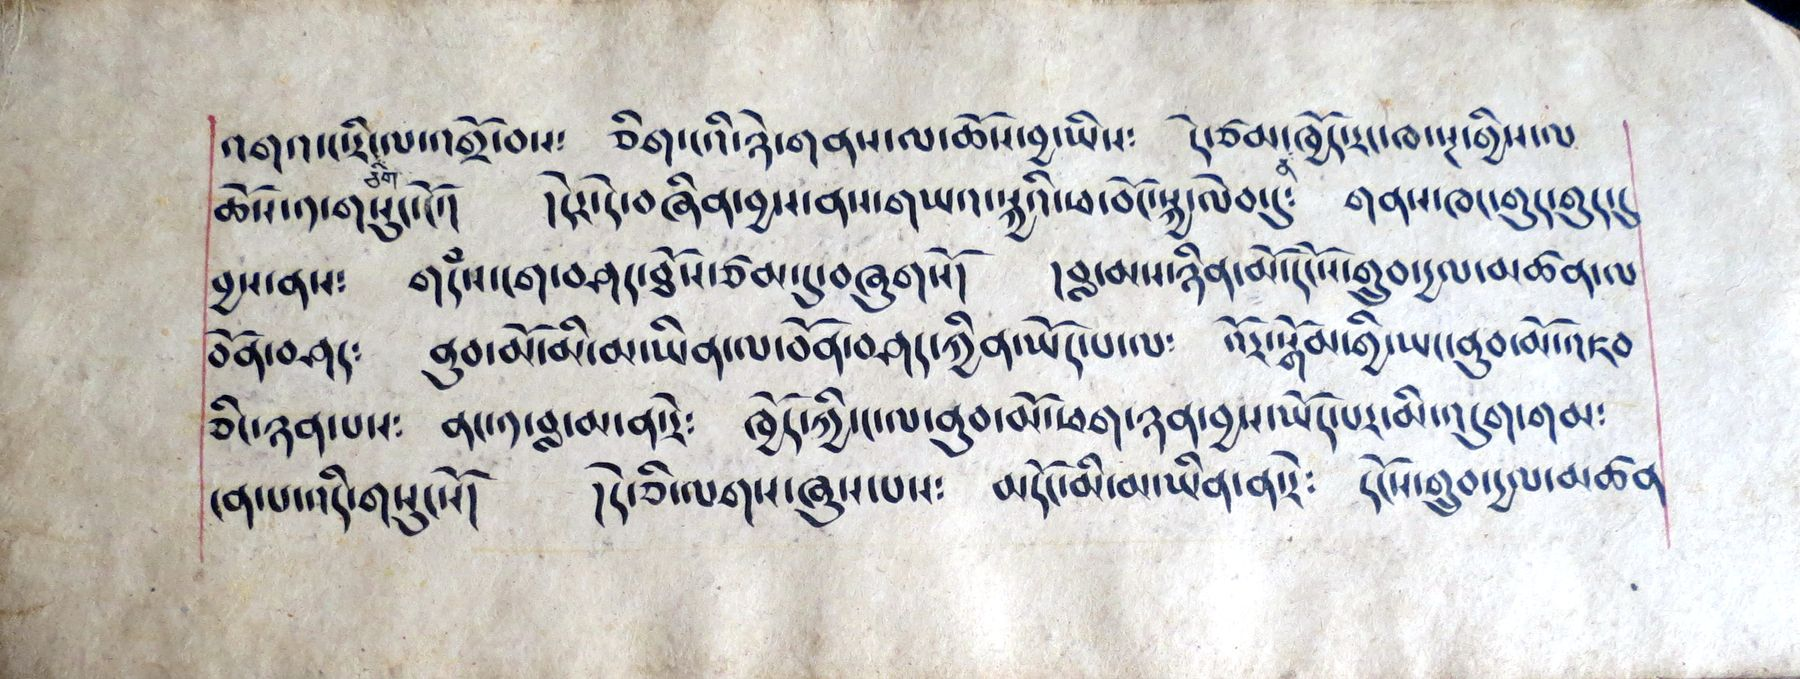འགའ་རི་ལ་འགྲོ་བས། གཅིག་ང་ཡི་ཉེ་གནས་ལ་ཆོས་བྱ་ཡིས། དེ་ཙམ་ན་ཁྱོད་རང་ཁ་སྔ་གྱིས་ལ་
ཆོས་ཤིག་གསུངས་སོ། །དེར་དེ་བཞིན་བྱས་ནས་གཡའ་སྐྱའི་ཕ་བོང་སྐྱ་ལེབ་ཏུ། གནས་ཁང་གུད་གུད་དུ་
བྱས་ནས། གདམས་ངག་བཤད་ཐོས་ཙམ་དུ་བཞུགས་སོ། །བླ་མས་ཉིན་མོ་དངོས་གྲུབ་རྒྱལ་མཚན་ལ་
བོན་བཤད། ནུབ་མོ་མི་མ་ཡིན་ལ་བོན་བཤད་ཀྱིན་ཡོད་པ་ལ། དངོས་གྲུབ་རྒྱལ་མཚན་གྱིས་ནུབ་མོ་འཇབ་
ཅིང་ཉན་པས། ནང་ཞིག་བླ་མས་ན་རེ། ཁྱོད་ཀྱིས་ནུབ་མོ་ཡང་ང་ལ་ཕག་ཉན་བྱས་ཡོད་པར་མི་འདུག་གམ། 
ངན་པ་འདི་གསུངས་སོ། །དེ་ཅི་ལགས་ཞུས་པས། མདོངས་མི་མ་ཡིན་ན་རེ། དངོས་གྲུབ་རྒྱལ་མཚན་